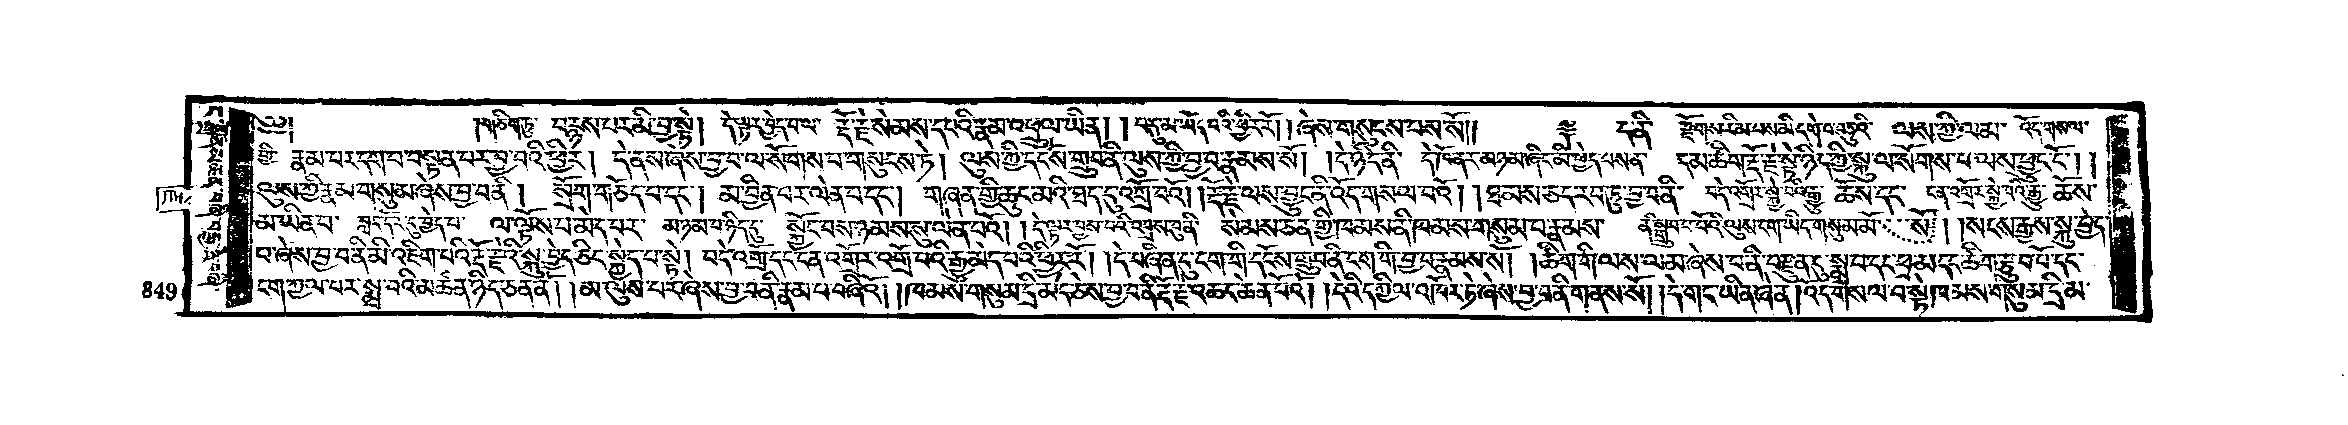༄༅། །གཅིག་ཏུ་བརྙས་པར་མི་བྱ་སྟེ། དེ་ལྟར་བྱེད་པ་ལ་རྡོ་རྗེ་སེམས་དཔའི་རྣམ་འཕྲུལ་ཡིན། ། པ་དུ་མ་ཡོད་པའི་ཕྱིར་རོ། །  ཞེས་གསུངས་པས་སོ།། ༈ ད་ནི་རྫོགས་རིམ་པས་མི་དགེ་བ་བཅུའི་ལས་ཀྱི་ལམ་འོད་གསལ་
གྱི་རྣམ་པར་དག་པ་བསྟན་པར་བྱ་བའི་ཕྱིར། དེ་ནས་ཞེས་བྱ་བ་ལ་སོགས་པ་གསུངས་ཏེ། ལུས་ཀྱི་དངོས་གྲུབ་ནི་ལུས་ཀྱི་བྱ་བ་རྣམས་སོ། །དེ་ཉིད་ནི་དེ་ཁོ་ནར་མཉམ་ཞིང་མི་ཕྱེད་པས་ན་དམ་ཚིག་རྡོ་རྗེ་སྟེ་ཉིད་ཀྱི་སྐུ་ལ་སོགས་པ་ལས་ཕྱུང་ངོ། །
ལུས་ཀྱི་རྣམ་གསུམ་ཞེས་བྱ་བ་ནི། སྲོག་གཅོད་པ་དང་། མ་བྱིན་པར་ལེན་པ་དང་། གཞན་གྱི་ཆུང་མའི་ཐད་དུ་འགྲོ་བའོ། །རྡོ་རྗེ་ལས་བྱུང་ནི་འོད་གསལ་བའོ། །ཐམས་ཅད་རབ་ཏུ་བྱ་བ་ནི་བདེ་འགྲོར་སྐྱེ་བའི་རྒྱུ་ཆོས་དང་ངན་འགྲོར་སྐྱེ་བའི་རྒྱུ་ཆོས་
མ་ཡིན་པ་བླང་དོར་དུ་བྱེད་པ་ལ་ལྟོས་པ་མེད་པར་མཉམ་པ་ཉིད་དུ་སྐྱོང་བས་ཉམས་སུ་ལེན་པའོ། ། དེ་ལྟར་བྱས་པའི་འབྲས་བུ་ནི་སེམས་ཅན་གྱི་ཁམས་ནི་ཁམས་གསུམ་པ་རྣམས་ནི་སྒྲུབ་པ་པོའི་ལུས་ངག་ཡིད་གསུམ་མོ་སོ། །སངས་རྒྱས་སྐུ་བྱེད་
པ་ཞེས་བྱ་བ་ནི་མི་འཇིག་པའི་རྡོ་རྗེའི་སྐུ་བྱེད་ཅིང་སྐྱེད་པ་སྟེ། བདེ་འགྲོ་དང་ངན་འགྲོར་འགྲོ་བའི་རྒྱུ་མེད་པའི་ཕྱིར་རོ། །དེ་བཞིན་དུ་ངག་གི་དངོས་གྲུབ་ནི་ངག་གི་བྱ་བ་རྣམས་སོ། །ཚིག་གི་ལས་ལམ་ཞེས་པ་ནི་བརྫུན་དུ་སྨྲ་བ་དང་ཕ་མ་དང་ཚིག་རྩུབ་པོ་དང་
ངག་ཀྱལ་བར་སྨྲ་བའི་མཚན་ཉིད་ཅན་ནོ། །མ་ལུས་པར་ཞེས་བྱ་བ་ནི་རྣམ་པ་བཞིའོ། །ཁམས་གསུམ་དྲི་མེད་ཅེས་བྱ་བ་ནི་རྡོ་རྗེ་འཆང་ཆེན་པོའོ། །དེའི་དཀྱིལ་འཁོར་ཏེ་ཞེས་བྱ་བ་ནི་གནས་སོ། །དེ་གང་ཡིན་ཞེས་ན། འོད་གསལ་བ་སྟེ་ཁམས་གསུམ་དྲི་མ་